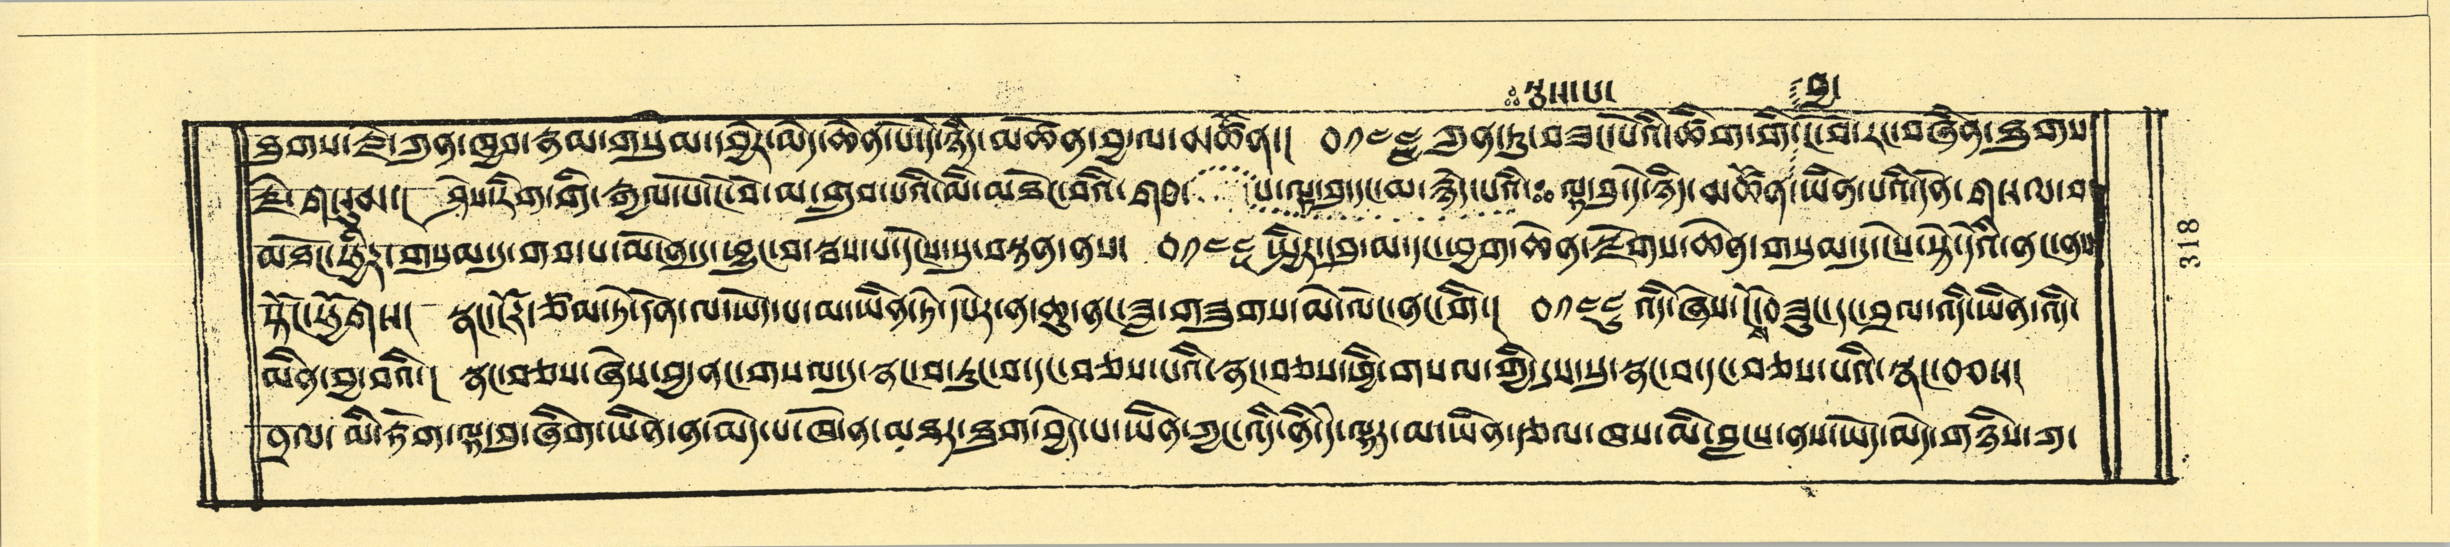ཐུགས་རྗེ་ཀུན་ཁྱབ་རྣམ་གསུམ་དབྱེར་མེད་ཆེན་པོ་དེ་ཉིད་མཚོན་བྱ་ལ་ ༼མཚོན།༽བ༡༤༤།༤ ཀུན་ཏུ་བཟང་པོའི་ཚིག་གི་ངོ་བོ་རང་བཞིན་ཐུགས་
རྗེ་གསུམ། ཤེས་རིག་གི་རྒྱལ་པོ་ངོ་བོ་མ་གྲུབ་པའི་མི་མཐོང་བའི་ ༼གབ་༽པ་ལྟ་བུ་དང་མ་རྙེད་པའི་ ༼སྦས་པ་༽ལྟ་བུ་དེ་ཉིད་ ༼མཚོན་༽བྱ་ཡིན་པའི་དོན་ ༼གསལ་༽བ་
མཐོང་ ༼ཕྱིར་༽གསུམ་དུ་གབ་པ་མངོན་དུ་ཕྱུང་བ་སྦས་པ་དངོས་སུ་བསྟན་ནས། བ༡༤༤།༥ སྤྱིར་དབུ་མ་དང་ཕྱག་ཆེན་སྫོགས་ཆེན་གསུམ་དུ་ངེས་སྟེ་དེའི་ནང་ནས་ 
སྟོང་ཕྱོགས་སྣང་ངོར་༽ཙམ་ཏེ་དོན་ལ་ཡོད་པ་མ་ཡིན་ཏེ་དཔེར་ན་ཆུ་ནས་ཟླ་གཟུགས་མེ་ལོང་ནང་གི། བ༡༤༤།༦ འདི་ཞེས་ ༼ངོས་བཟུང་༽དང་བྲལ་འདི་ཡིན་འདི་
མིན་བྱ་བའི། སྣང་བཅས་ཞེས་བྱ་ནང་གསལ་དུ་སྣང་བ་རུང་བ་དང་བཅས་པའི་སྣང་བཅས་ཕྱི་གསལ་གྱི་དུས་སུ་སྣང་བ་དང་བཅས་པའི་ ༼སྣང་བཅས་
བྲལ་༽མི་རྟོག་ལྟ་བུ་ཞིག་ཡིན་ན་མེད་པ་ཁོ་ན་མཐར་ཐུག་བྱེད་པ་ཡིན་ཀྱང་འདི་ནི་དེ་ལྟར་མ་ཡིན་རྩལ་ཁས་མི་བླངས་ནས་ཡོད་མེད་གཉིས་ཀ་